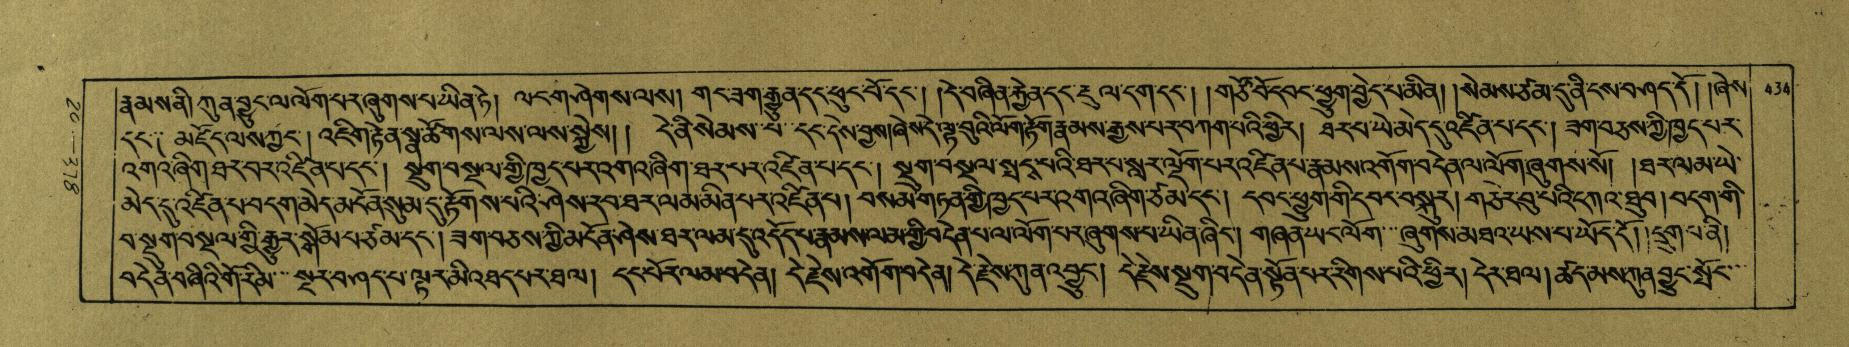རྣམས་ནི། ཀུན་བྱུང་ལ་ལོག་པར་ཞུགས་པ་ཡིན་ཏེ། ལང་གཤེགས་ལས། གང་ཟག་རྒྱུན་དང་ཕུང་པོ་དང་། །དེ་བཞིན་རྐྱེན་དང་རྡུལ་དག་དང་། །གཙོ་བོ་དབང་ཕྱུག་བྱེད་པ་མིན། །སེམས་ཙམ་དུ་ནི་ངས་བཤད་དོ། །ཞེས་
དང༑ མཛོད་ལས་ཀྱང་། འཇིག་རྟེན་སྣ་ཚོགས་ལས་ལས་སྐྱེས། དེ་ནི་སེམས་པ་དང་དེས་བྱས། ཞེས་དེ་ལྟ་བུའི་ལོག་རྟོག་རྣམས་རྒྱས་པར་བཀག་པའི་ཕྱིར། ཐར་པ་ཡེ་མེད་དུ་འཛིན་པ་དང་། ཟག་བཅས་ཀྱི་ཁྱད་པར་
འགའ་ཞིག་ཐར་བར་འཛིན་པ་དང་། སྡུག་བསྔལ་གྱི་ཁྱད་པར་འགའ་ཞིག་ཐར་པར་འཛིན་པ་དང་། སྡུག་བསྔལ་སྤངས་པའི་ཐར་པ་སླར་ལྡོག་པར་འཛིན་པ་རྣམས་འགོག་བདེན་ལ་ལོག་ཞུགས་སོ། །ཐར་ལམ་ཡེ་
མེད་དུ་འཛིན་པ་བདག་མེད་མངོན་སུམ་དུ་རྟོགས་པའི་ཤེས་རབ་ཐར་ལམ་མིན་པར་འཛིན་པ། བསམ་གཏན་གྱི་ཁྱད་པར་འགའ་ཞིག་ཙམ་དང་། དབང་ཕྱུག་གི་དབང་བསྐུར། གཅེར་བུ་པའི་དཀའ་ཐུབ། བདག་གི་
བ་སྡུག་བསྔལ་གྱི་རྒྱུར་སྒོམ་པ་ཙམ་དང་། ཟག་བཅས་ཀྱི་མངོན་ཤེས་ཐར་ལམ་དུ་འདོད་པ་རྣམས་ལམ་གྱི་བདེན་པ་ལ་ལོག་པར་ཞུགས་པ་ཡིན་ཞིང་། གཞན་ཡང་ལོག་ཞུགས་མཐའ་ཡས་པ་ཡོད་དོ། །དྲུག་པ་ནི།
བདེན་བཞིའི་གོ་རིམ་སྔར་བཤད་པ་ལྟར་མི་འཐད་པར་ཐལ། དང་པོར་ལམ་བདེན། དེ་རྗེས་འགོག་བདེན། དེ་རྗེས་ཀུན་འབྱུང་། དེ་རྗེས་སྡུག་བདེན་སྟོན་པར་རིགས་པའི་ཕྱིར། དེར་ཐལ། ཚད་མས་ཀུན་བྱུང་སྤོང་